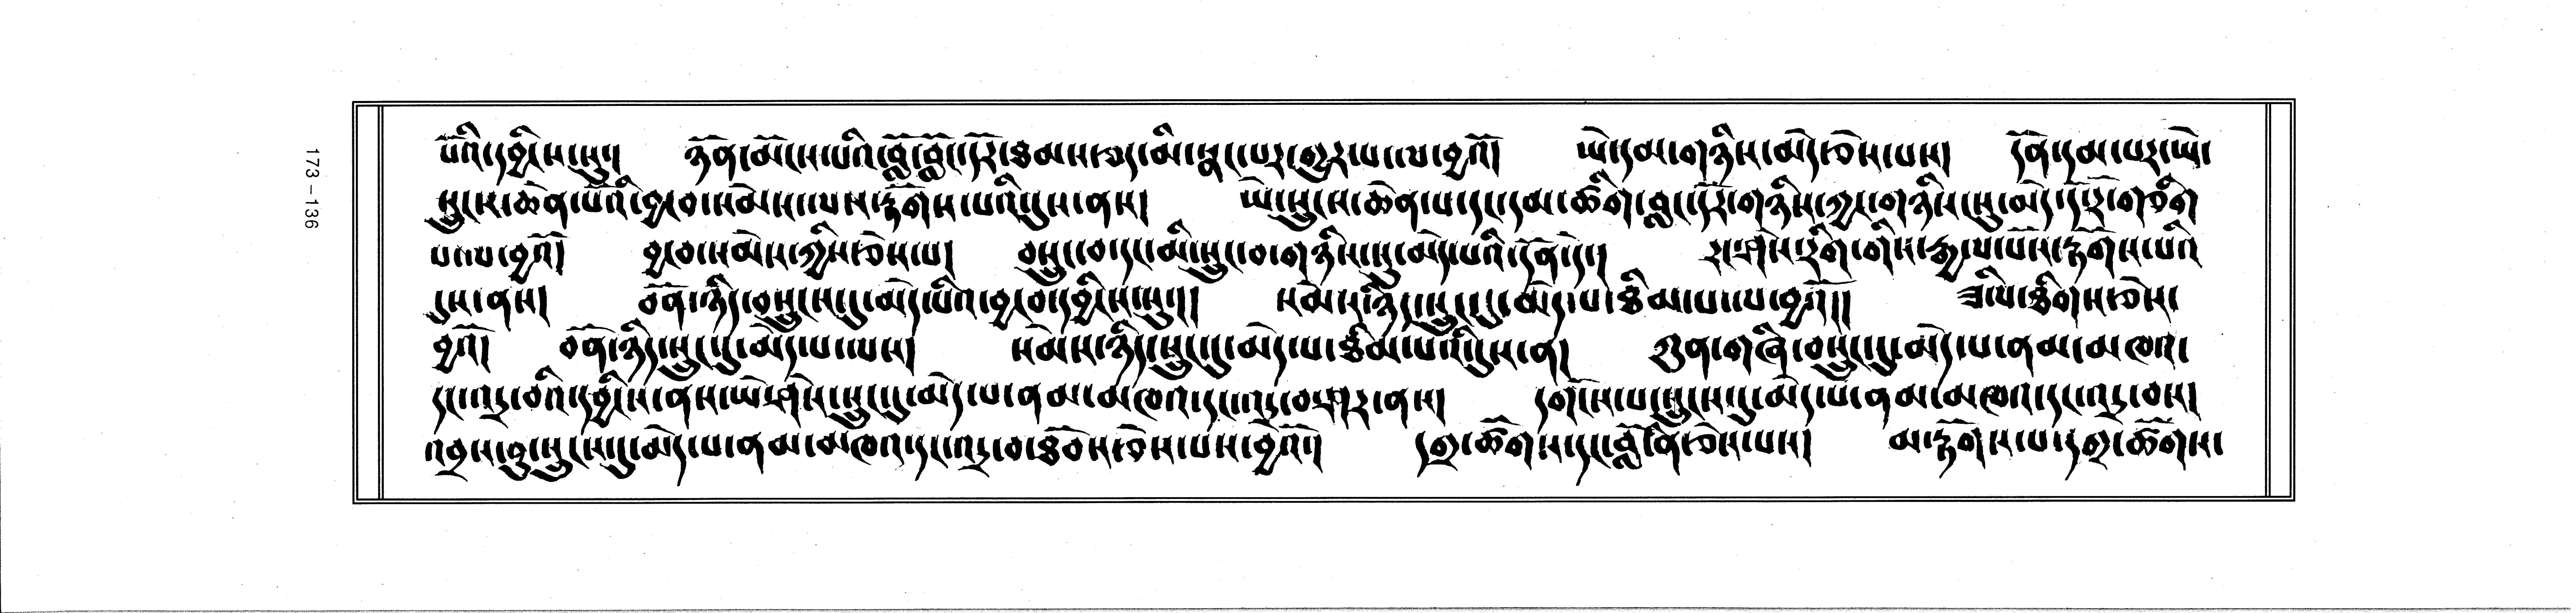པོའི་དབྱིངས་སུ། ཉོན་མོངས་པའི་བློ་བླང་དོར་ཐམས་ཅད་མི་སྣང་བར་གྱུར་པ་ལ་བྱའོ། །ཡེ་དམ་གཉིས་མེད་ཅེས་པས། དོན་དམ་པར་ཡེ་
སྲུང་ཆེན་པོའི་བྱང་ཆུབ་སེམས་ལས་རྟོགས་པའི་དུས་ན། ཡེ་སྲུང་ཆེན་པོ་དང་དམ་ཚིག་བླང་དོར་གཉིས་ཀྱང་གཉིས་སུ་མེད་དེ་རོ་གཅིག་
པ་ལ་བྱའོ། །བྱང་ཆུབ་སེམས་ཀྱིས་ཅེས་པས། བསྲུང་བ་དང་མི་བསྲུང་བ་གཉིས་སུ་མེད་པའི་དོན་དེ། རང་ཤེས་རིག་གི་རྒྱལ་པོས་རྟོགས་པའི་
དུས་ནས། བོན་ཉིད་བསྲུང་དུ་མེད་པའི་བྱང་ཆུབ་དབྱིངས་སུ། སེམས་ཉིད་བསྲུང་དུ་མེད་པར་ཐིམ་པ་ལ་བྱའོ། །ཟིལ་ཐིག་ཅེས་
བྱ་བ། བོན་ཉིད་སྲུང་དུ་མེད་པ་ལས་སེམས་ཉིད་སྲུང་དུ་མེད་པ་ཐིམ་པའི་དུས་ན། ཀུན་གཞི་བསྲུང་དུ་མེད་པ་ནམ་མཁའ་
དང་འདྲ་བའི་དབྱིངས་ནས། ཡེ་ཤེས་སྲུང་དུ་མེད་པ་ནམ་མཁའ་དང་འདྲ་བ་ཤར་ཏེ། དགོངས་པ་སྲུང་དུ་མེད་པ་ནམ་མཁའ་དང་འདྲ་བས། 
འབྲས་བུ་སྲུང་དུ་མེད་པ་ནམ་མཁའ་དང་འདྲ་བ་ཐོབ་ཅེས་བྱའོ། །དགྲ་ཚོགས་དང་བློ་ནི་ཅེས་པས། མ་རྟོགས་པ་དགྲ་ཚོགས་